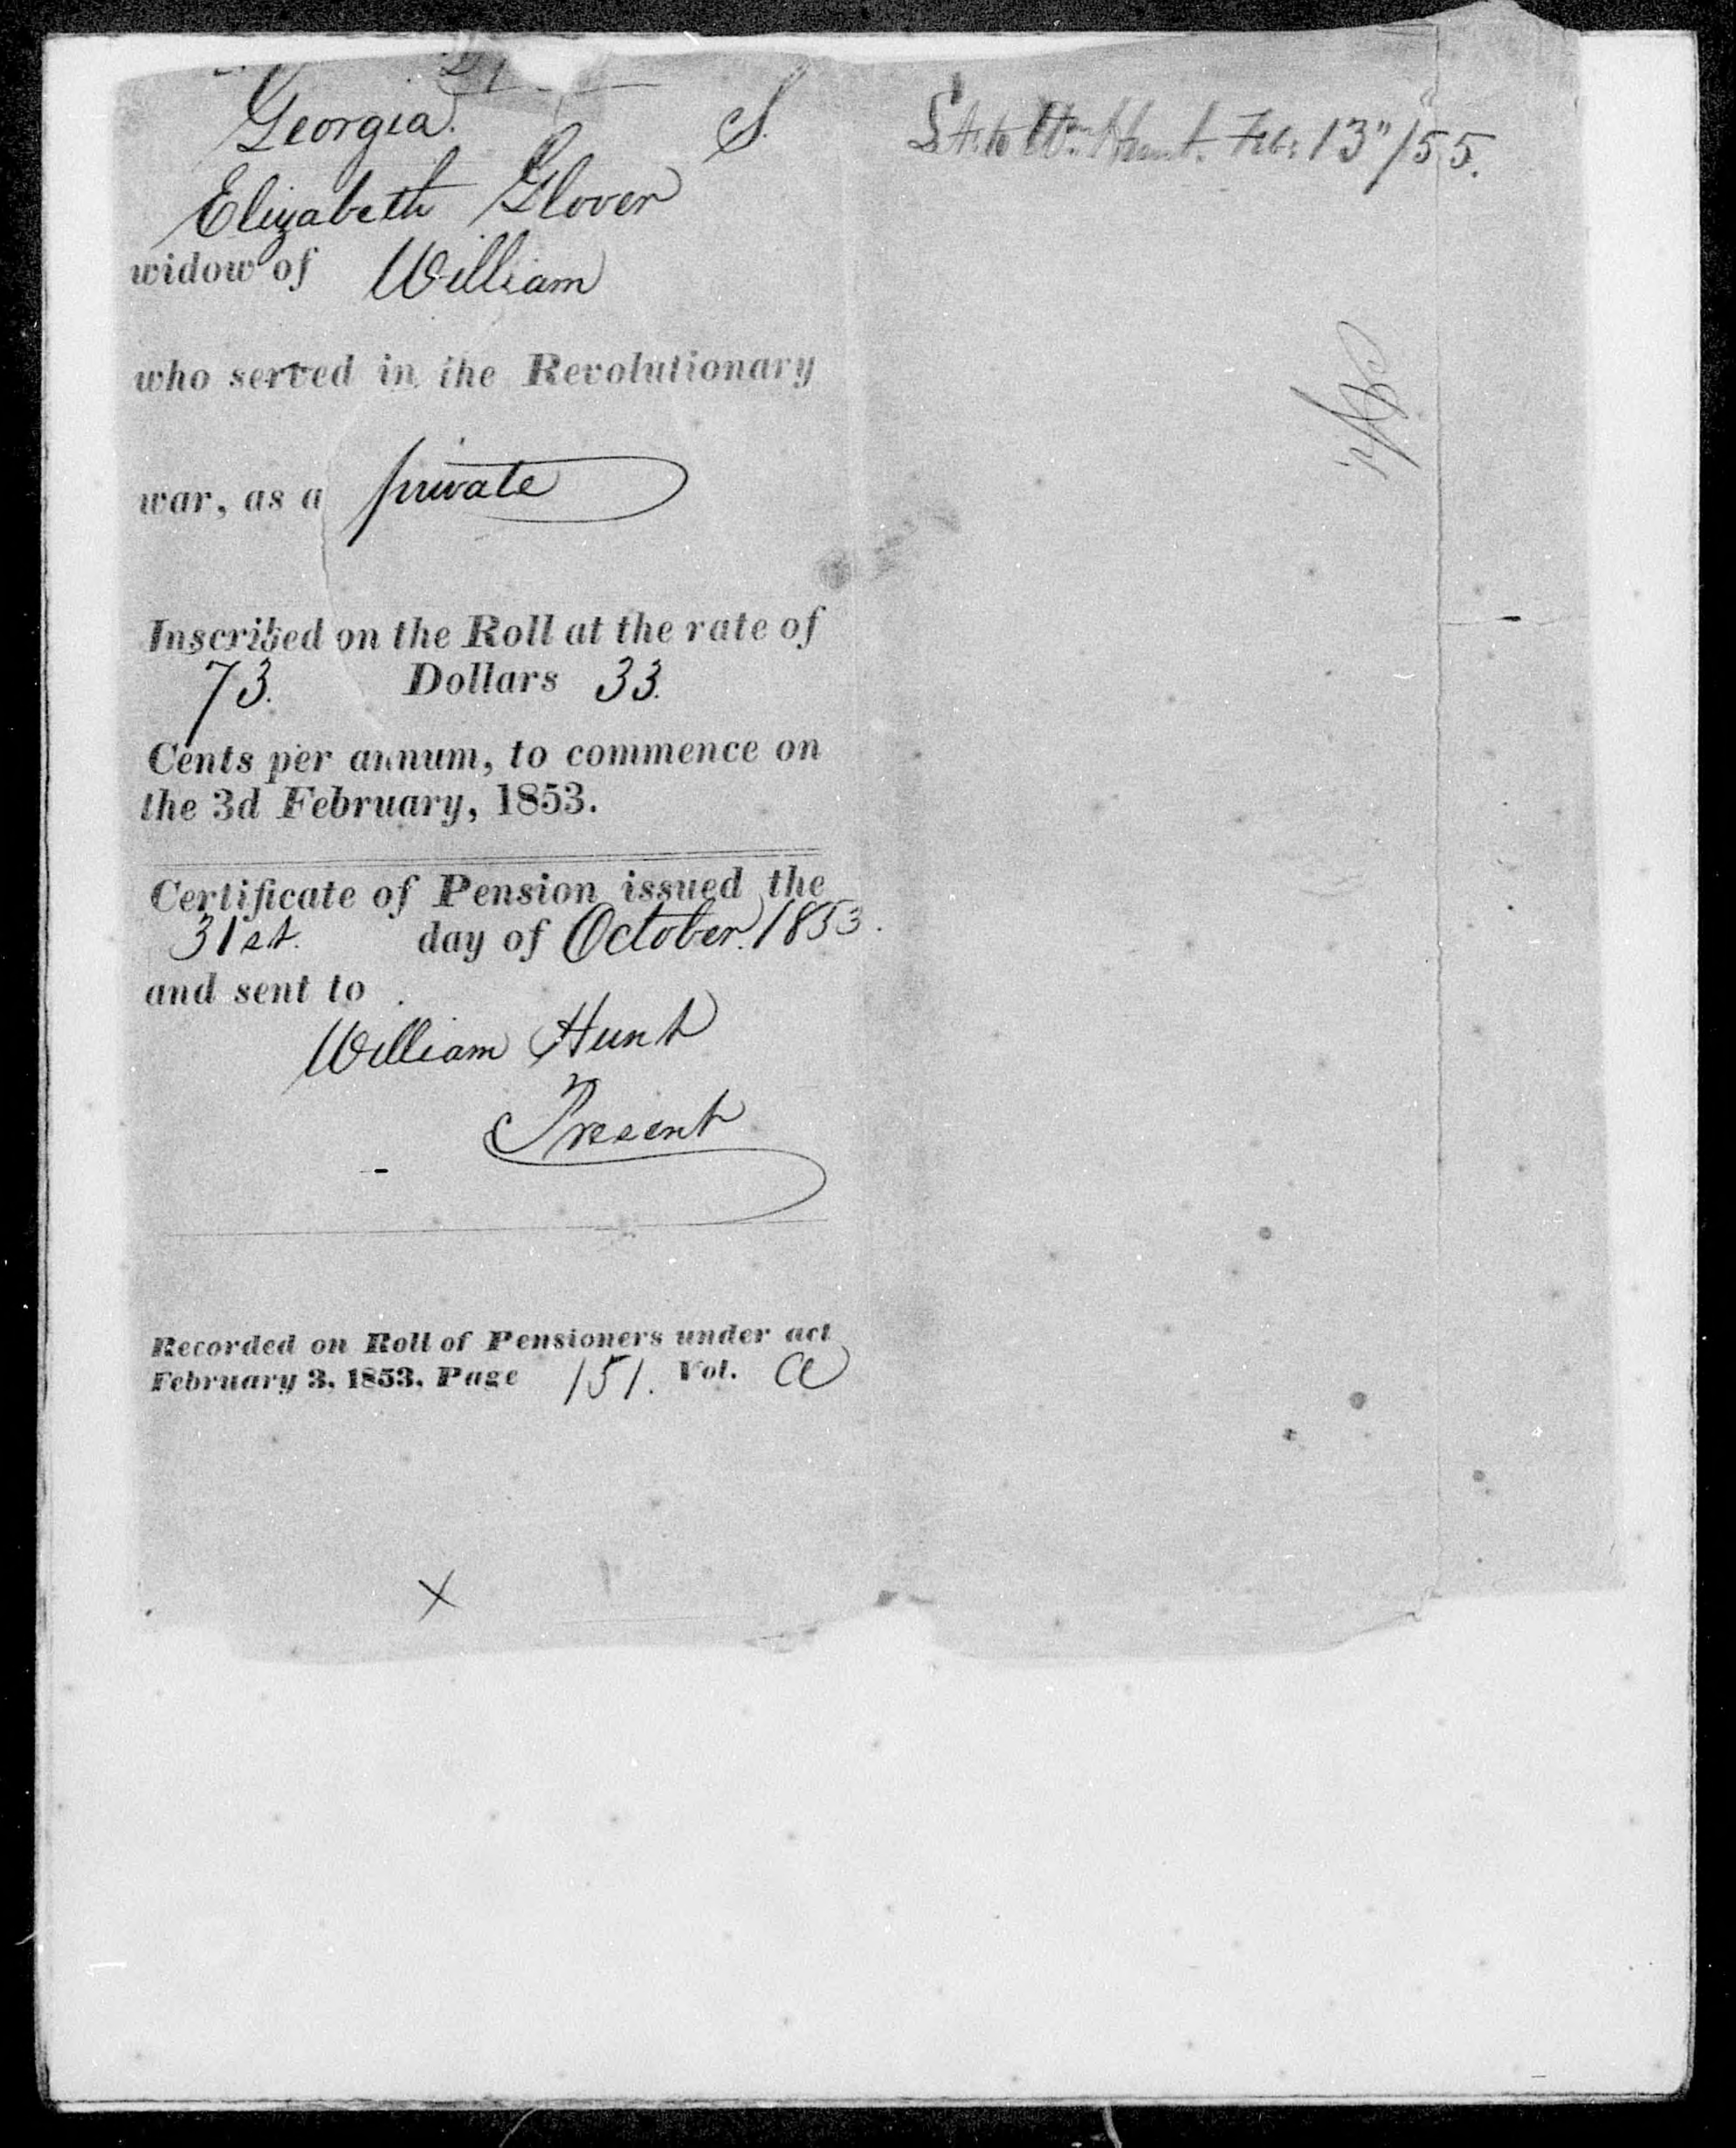Georgia  S. 
Elizabeth Glover 
widow of William 

who served in the Revolutionary 

war, as a private 

Inscribed on the Roll at the rate of 73. Dollars 33. Cents per annum, to commence on the 3d February, 1853.

Certificate of Pension issued the 31st day of October 1853. 
and sent to 

William Hunt 
Present 

WM Hunt Feb 13/ 55.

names: Elizabeth Glover, William Hunt, Wm Hunt, William Glover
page: 23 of 51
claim: widow's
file: W. 929, William Glover, N.C.